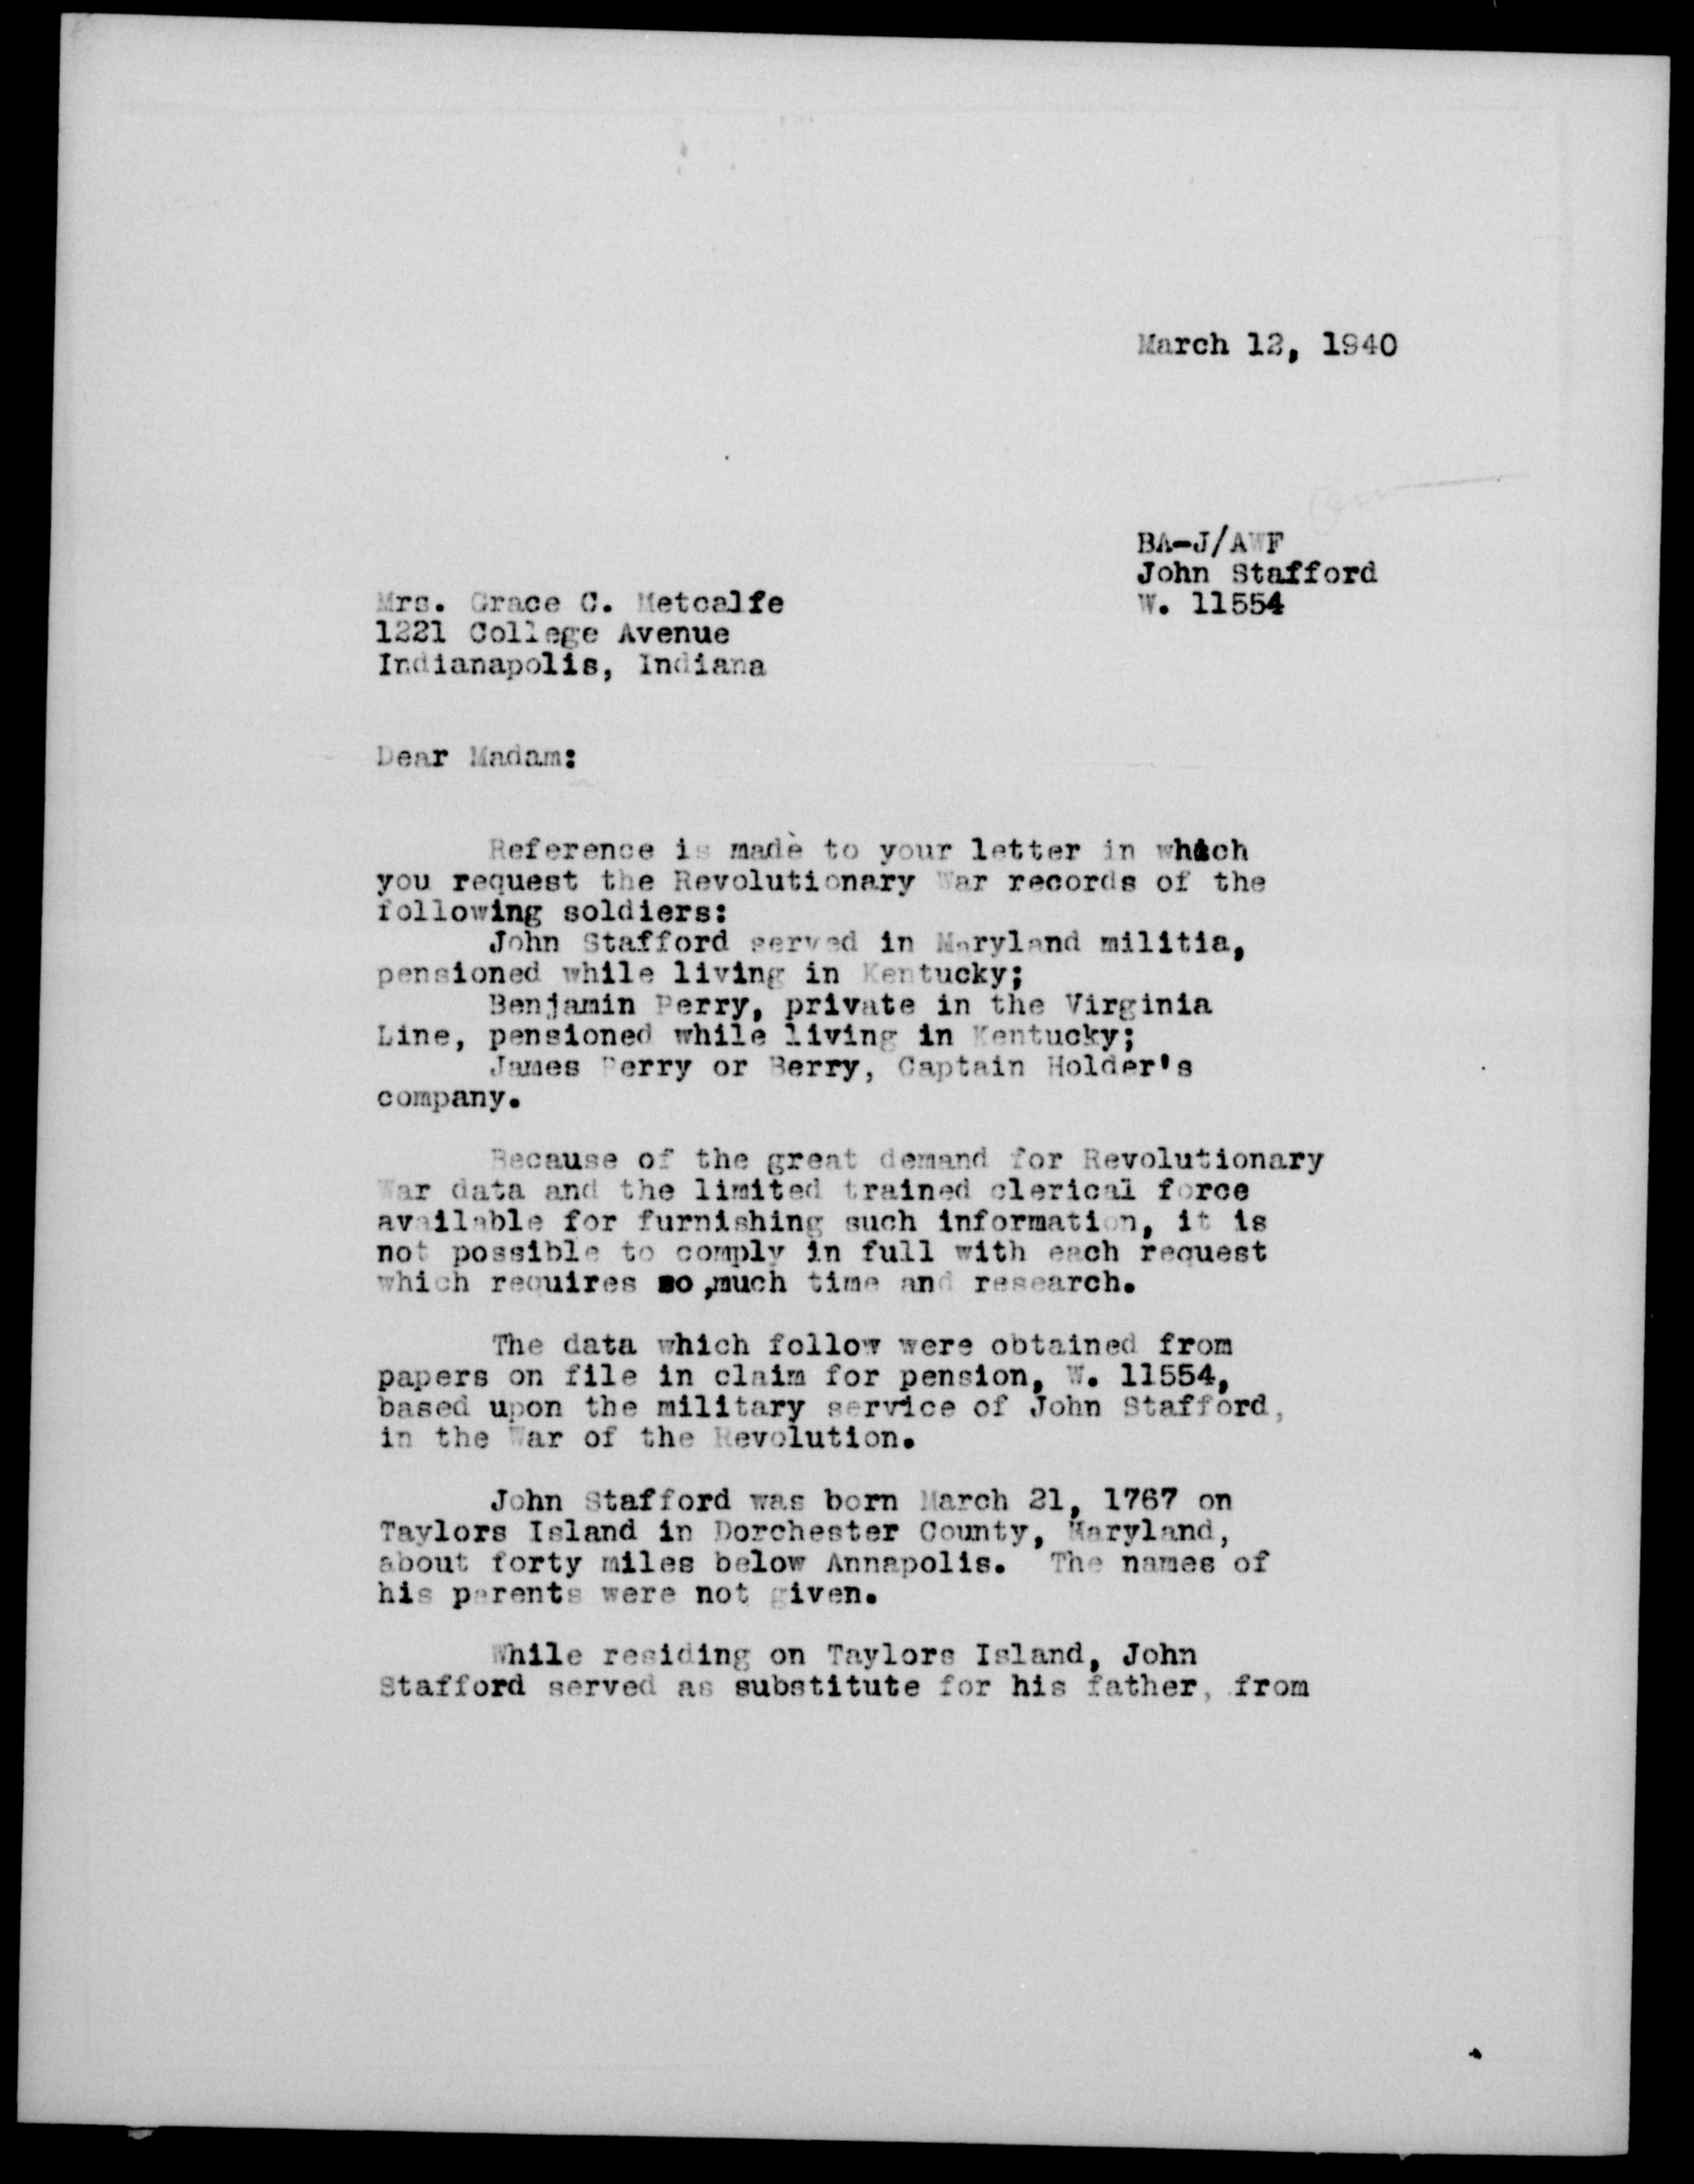March 12, 1940
BA-J/AWF
John Stafford 
W. 11554

Mrs. Grace C. Metcalfe
1221 College Avenue
Indianapolis, Indiana

Dear Madam:

	Reference is made to your letter in which you request the Revolutionary War records of the following soldiers:
	John Stafford served in Maryland militia, pensioned while living in Kentucky;
	Benjamin Perry, private in the Virginia Line, pensioned while living in Kentucky;
	James Perry or Berry, Captain Holder’s company.

	Because of the great demand for Revolutionary War data and the limited trained clerical force available for furnishing such information, it is not possible to comply in full with each request which requires so ,much time and research.

	The date which follow were obtained from papers on file in claim for pension, W. 11554, based upon the military service of John Stafford, in the War of the Revolution.

	John Stafford was born March 21, 1767 on Taylors Island in Dorchester County, Maryland, about forty miles below Annapolis. The names of his parents were not given.

	While residing on Taylors Island, John Stafford served as substitute for his father, from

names: Grace C Metcalfe; Benjamin Perry; John Stafford; John Stafford; John Stafford; James Berry; John Stafford; James Perry; John Stafford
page: 20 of 61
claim: widow's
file: W. 11554, for John Stafford, Maryland